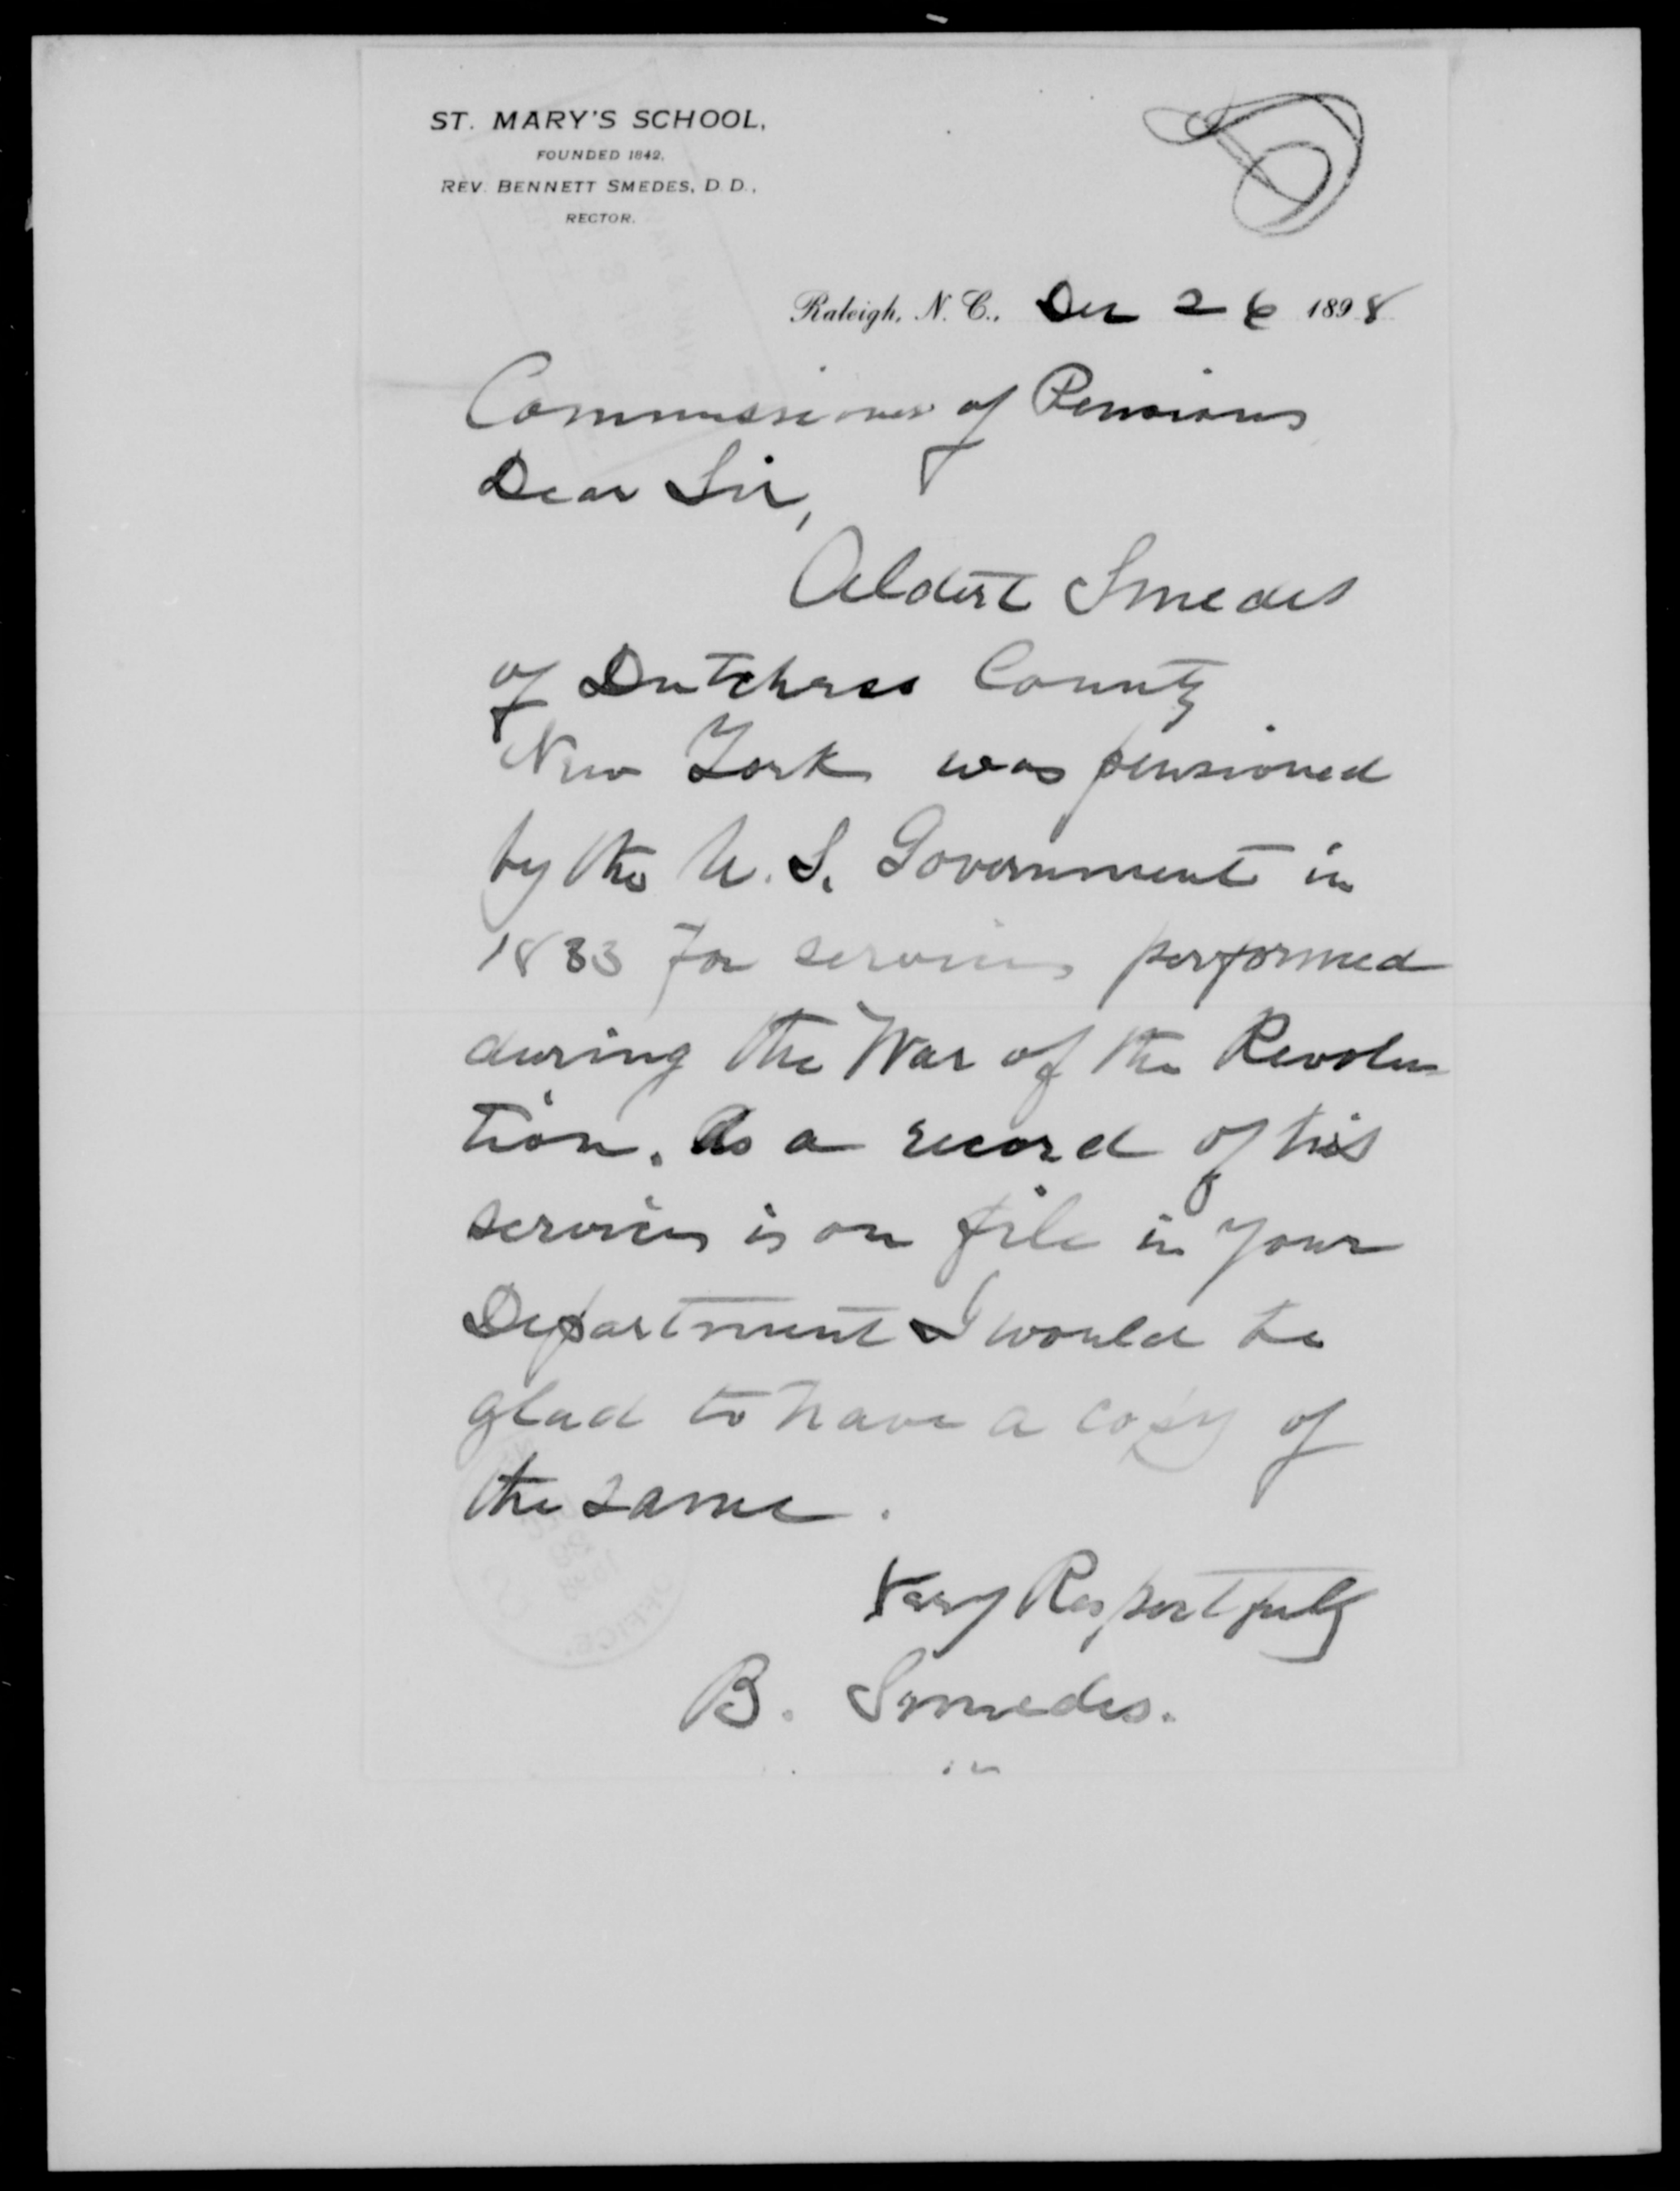St. Mary's School
Founded 1842
Rev. Bennett Smedes, D.D.
Rector

Raleigh, N.C.  Dec 26 1898

Commissioner of Pensions
Dear Sir,
Aldert Smedes of Dutchess County New York was pensioned by the U.S. Government in 1833 for services performed during the War of the Revolution.  As a record of his services is on file in your Department I would be glad to have a copy of the same.

Very Respectfully
B. Smedes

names: Aldert Smedes; B Smedes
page: 27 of 29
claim: survivor's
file: S. 11415, for Aldert Smedes, New York